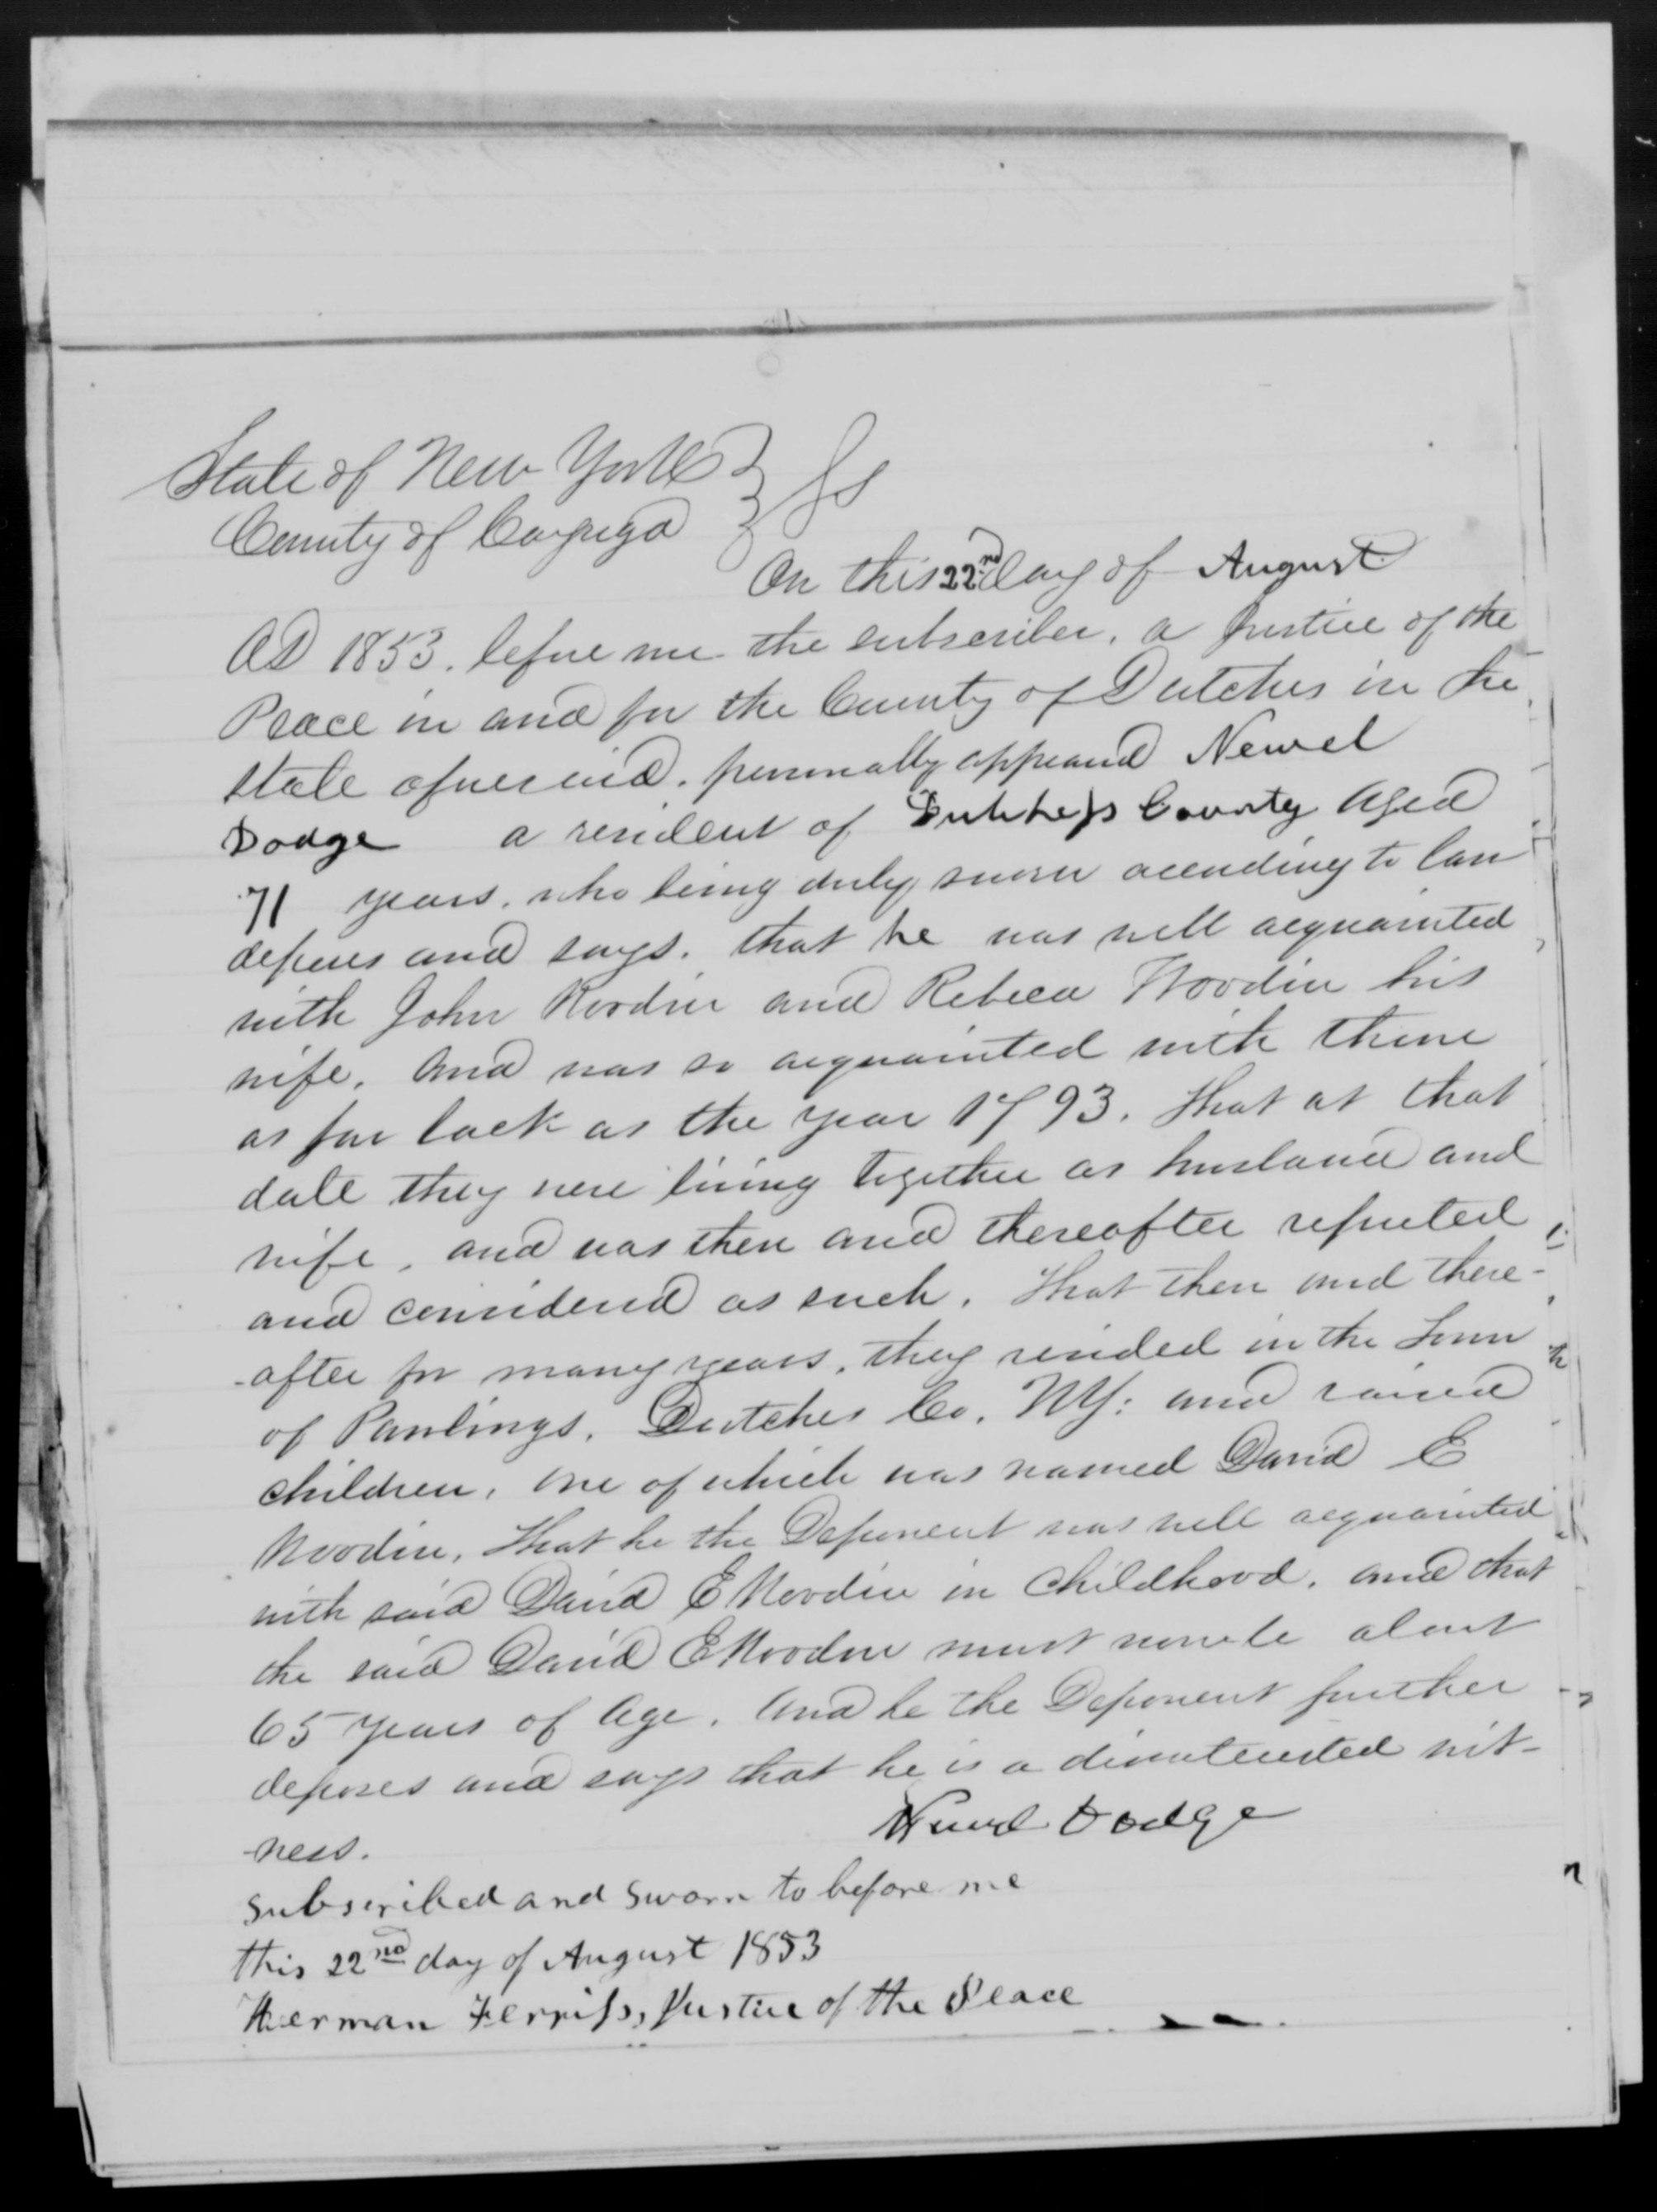State of New York 
County of Cayuga SS
On this 22d day of August AD 1853 before me the subscriber, a Justice of the Peace in and for the County of Dutches in the State aforesaid, personally appeared Newel Dodge --- a resident of Dutchess County aged 71 years, who being duly sworn according to law deposes and says, that he was well acquainted with John Woodin and Rebeca Woodin his wife, and was so acquainted with them as far back as the year 1793. That at that date they were living together as husband and wife, and was then and thereafter reputed and considered as such. That then and thereafter for many years, they resided in the Town of Pawlings, Dutchess Co NY. and raised children, one of which was named David E Woodin, That he the Deponent was well acquainted with said David E. Woodin in childhood, and that the said David E Woodin must now be about 65 years of age. and he the Deponent further deposes and says that he is a disinterested witness. 
[signed] Newel Dodge 
subscribed and sworn to before me this 22nd day of August 1853 Herman Ferriss Justice of the Peace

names: Newel Dodge, Herman Ferriss, David E Woodin, Rebeca Woodin, John Woodin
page: 13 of 77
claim: widow's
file: W. 19658, John Woodin, New York